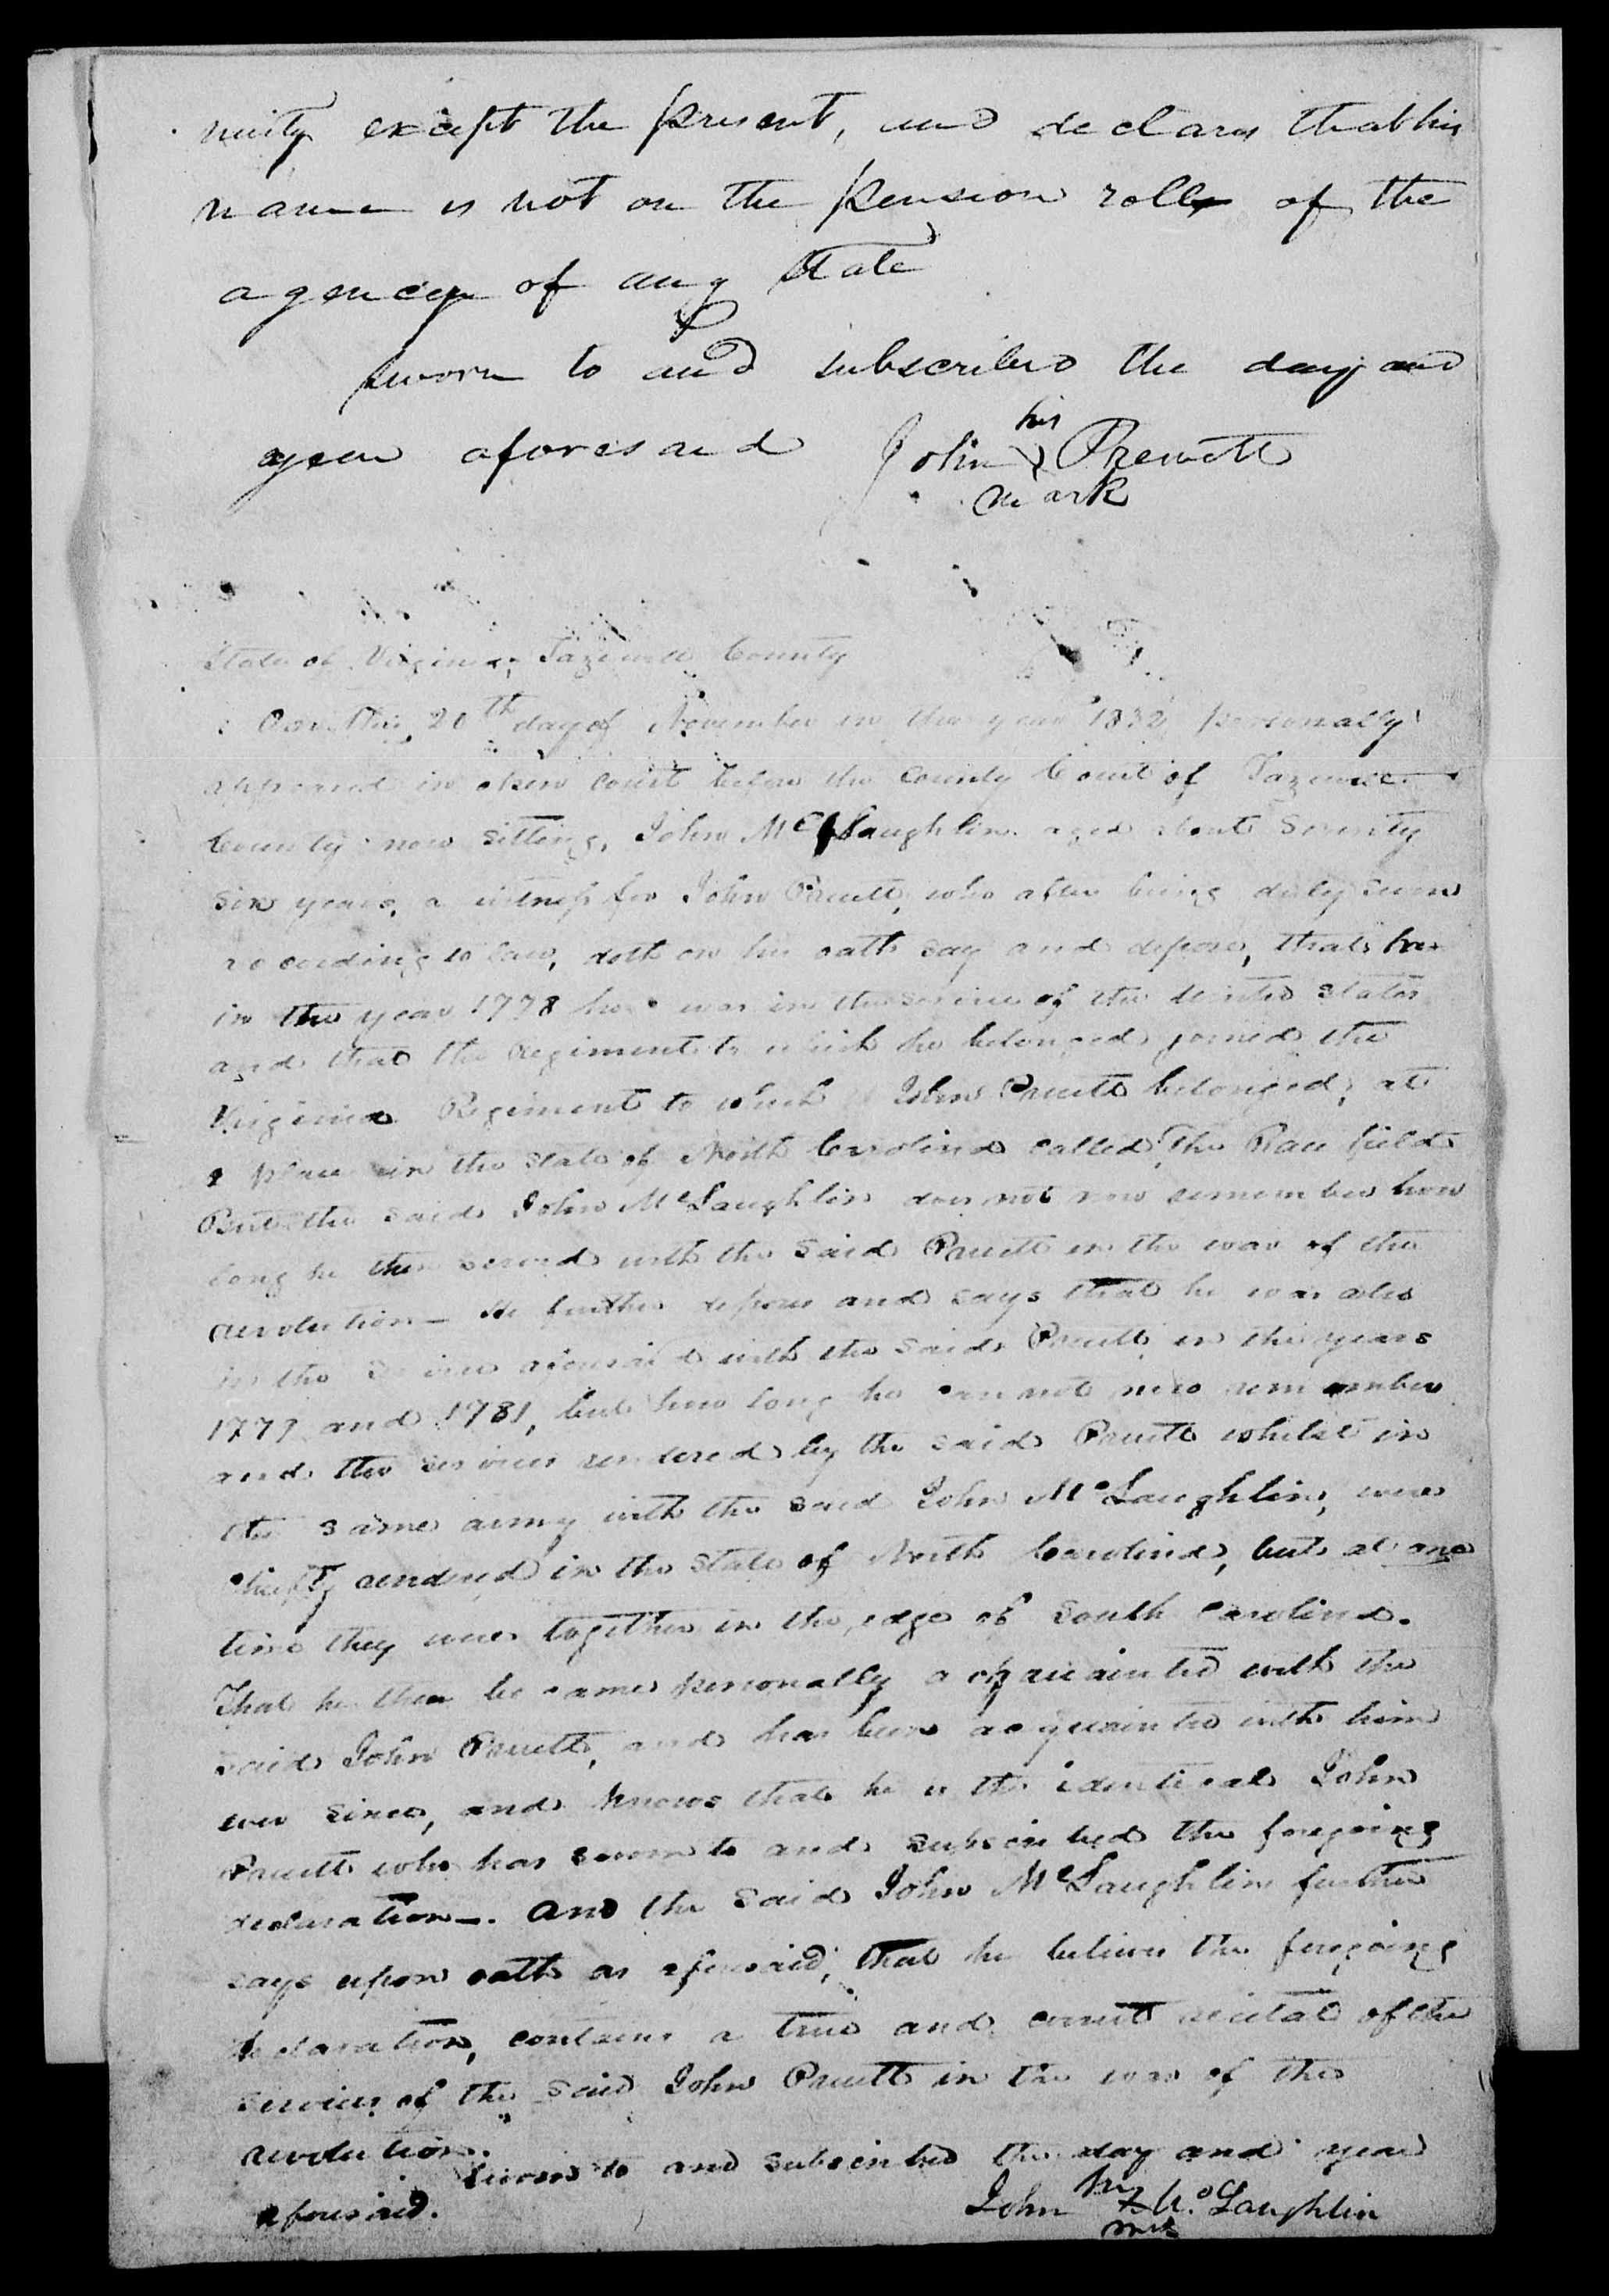nuity except the present, and declares that his name is not on the pension roll of the agency of any state
Sworn to and subscribed the day and year aforesaid
John x his mark Prewett

State of Virginia Tazewell County
On this 20th day of November in the year 1832, personally appeared in open Court before the County Court of Tazewell County now sitting, John McLaughlin aged about seventy six years, a witness for John Prewett, who after being duly sworn according to law, doth on his oath say and depose, that in the year 1778 he was in the service of the United States and that the regiment to which he belonged joined the Virginia Regiment to which John Prewett belonged, at a place in the state of North Carlina called the Rau field Port the said John McLaughlin does not now remember how long he served with said Prewett in the war of the revolution - He further deposes and says that he was also in the Town aforesaid with the said Prewett in the year 1777, and 1781, but how long he cannot now remember and the services rendered by the said Pruett whilst in the same army with the said John McLaughlin, were [illegible] rendered in the state of North Carolina, but at one time they were together in the edge of South Carolina. That he then became personally acquainted with the said John Pruett, and has been acquainted with him ever since, and knows that he is the identical John Pruett who has sworn to and subscribed the foregoing declaration - And the said John McLaughlin further says upon oath as aforesaid; that he believes the foregoing declaration, contains a true and correct recital of the services of the said John Prewett in the war of the revolution.
Sworn to and Subscribed the day and year aforesaid.
John x his mark McLaughlin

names: John Prewett; John Mc Laughlin; John Pruett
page: 8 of 35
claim: survivor's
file: S. 30,665, for John Prewett, Virginia